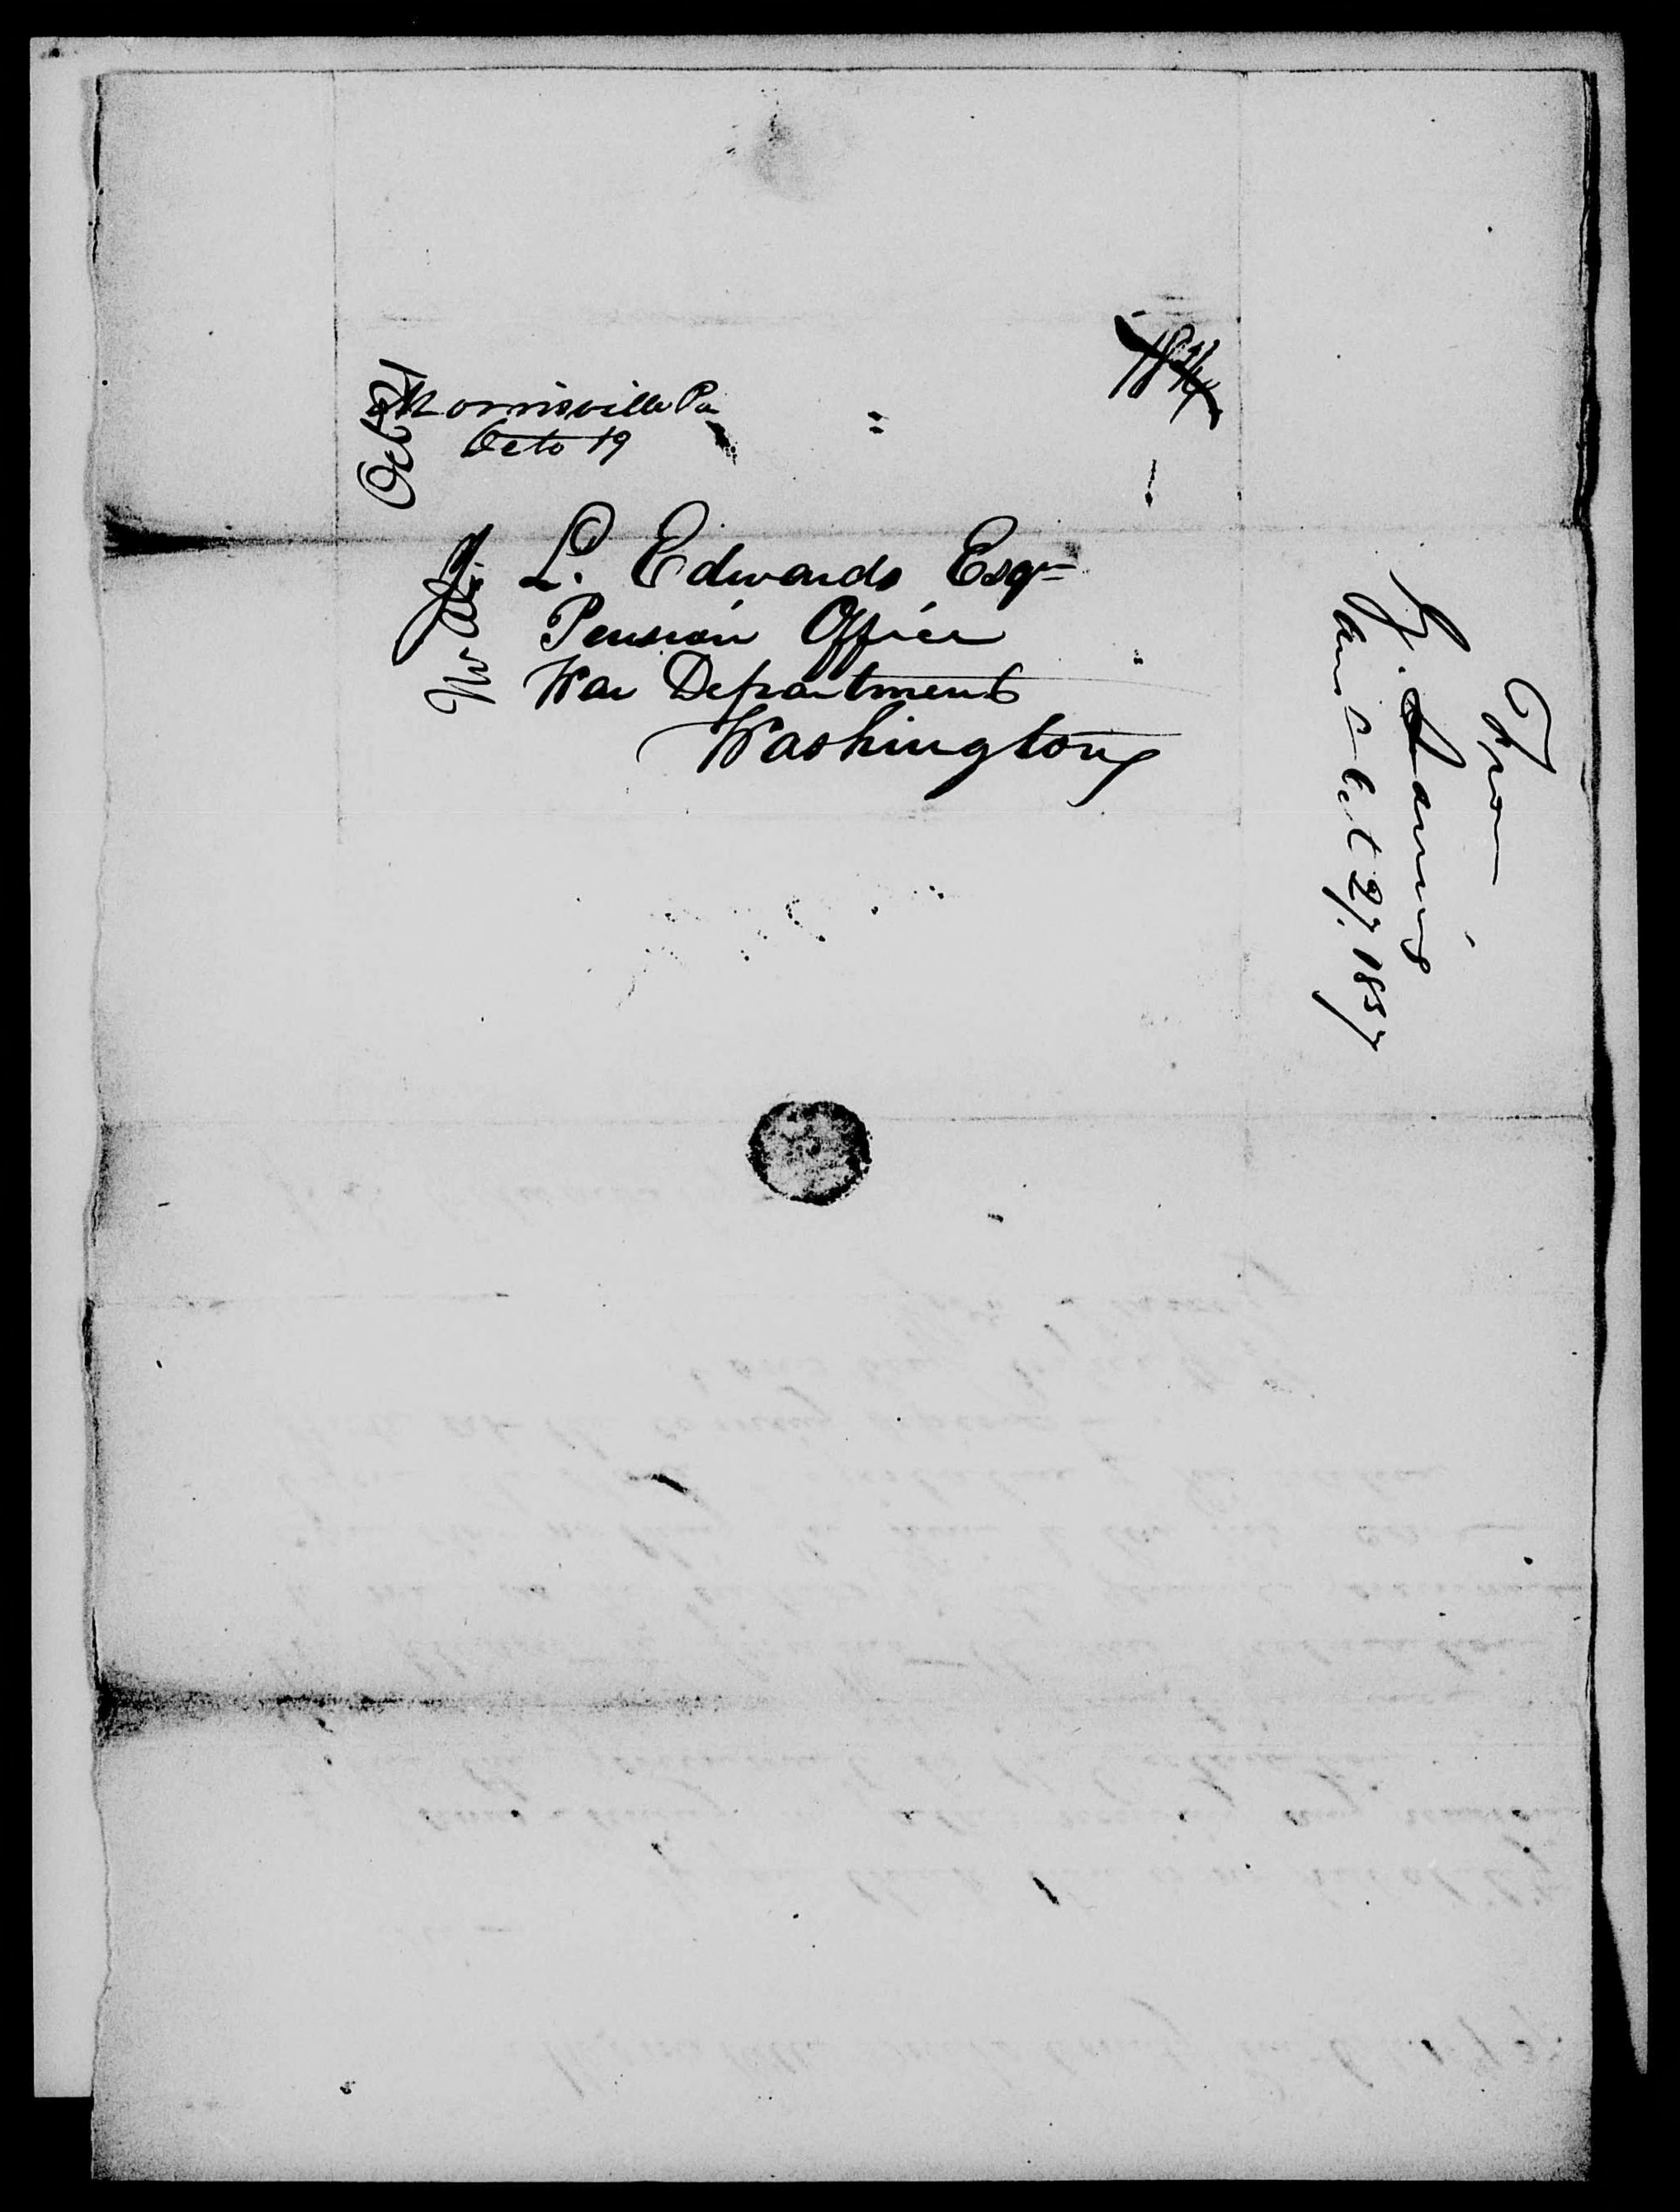Oct 21
Morrisville Pa
Octo 19

J. L. Edwards Esqr.
Pension Office
War Department
Washington

From G. Laning
[illegible] Oct 27, 1837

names: J L Edwards; G Laning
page: 19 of 39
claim: rejected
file: R. 6154, for James Laning, New Jersey